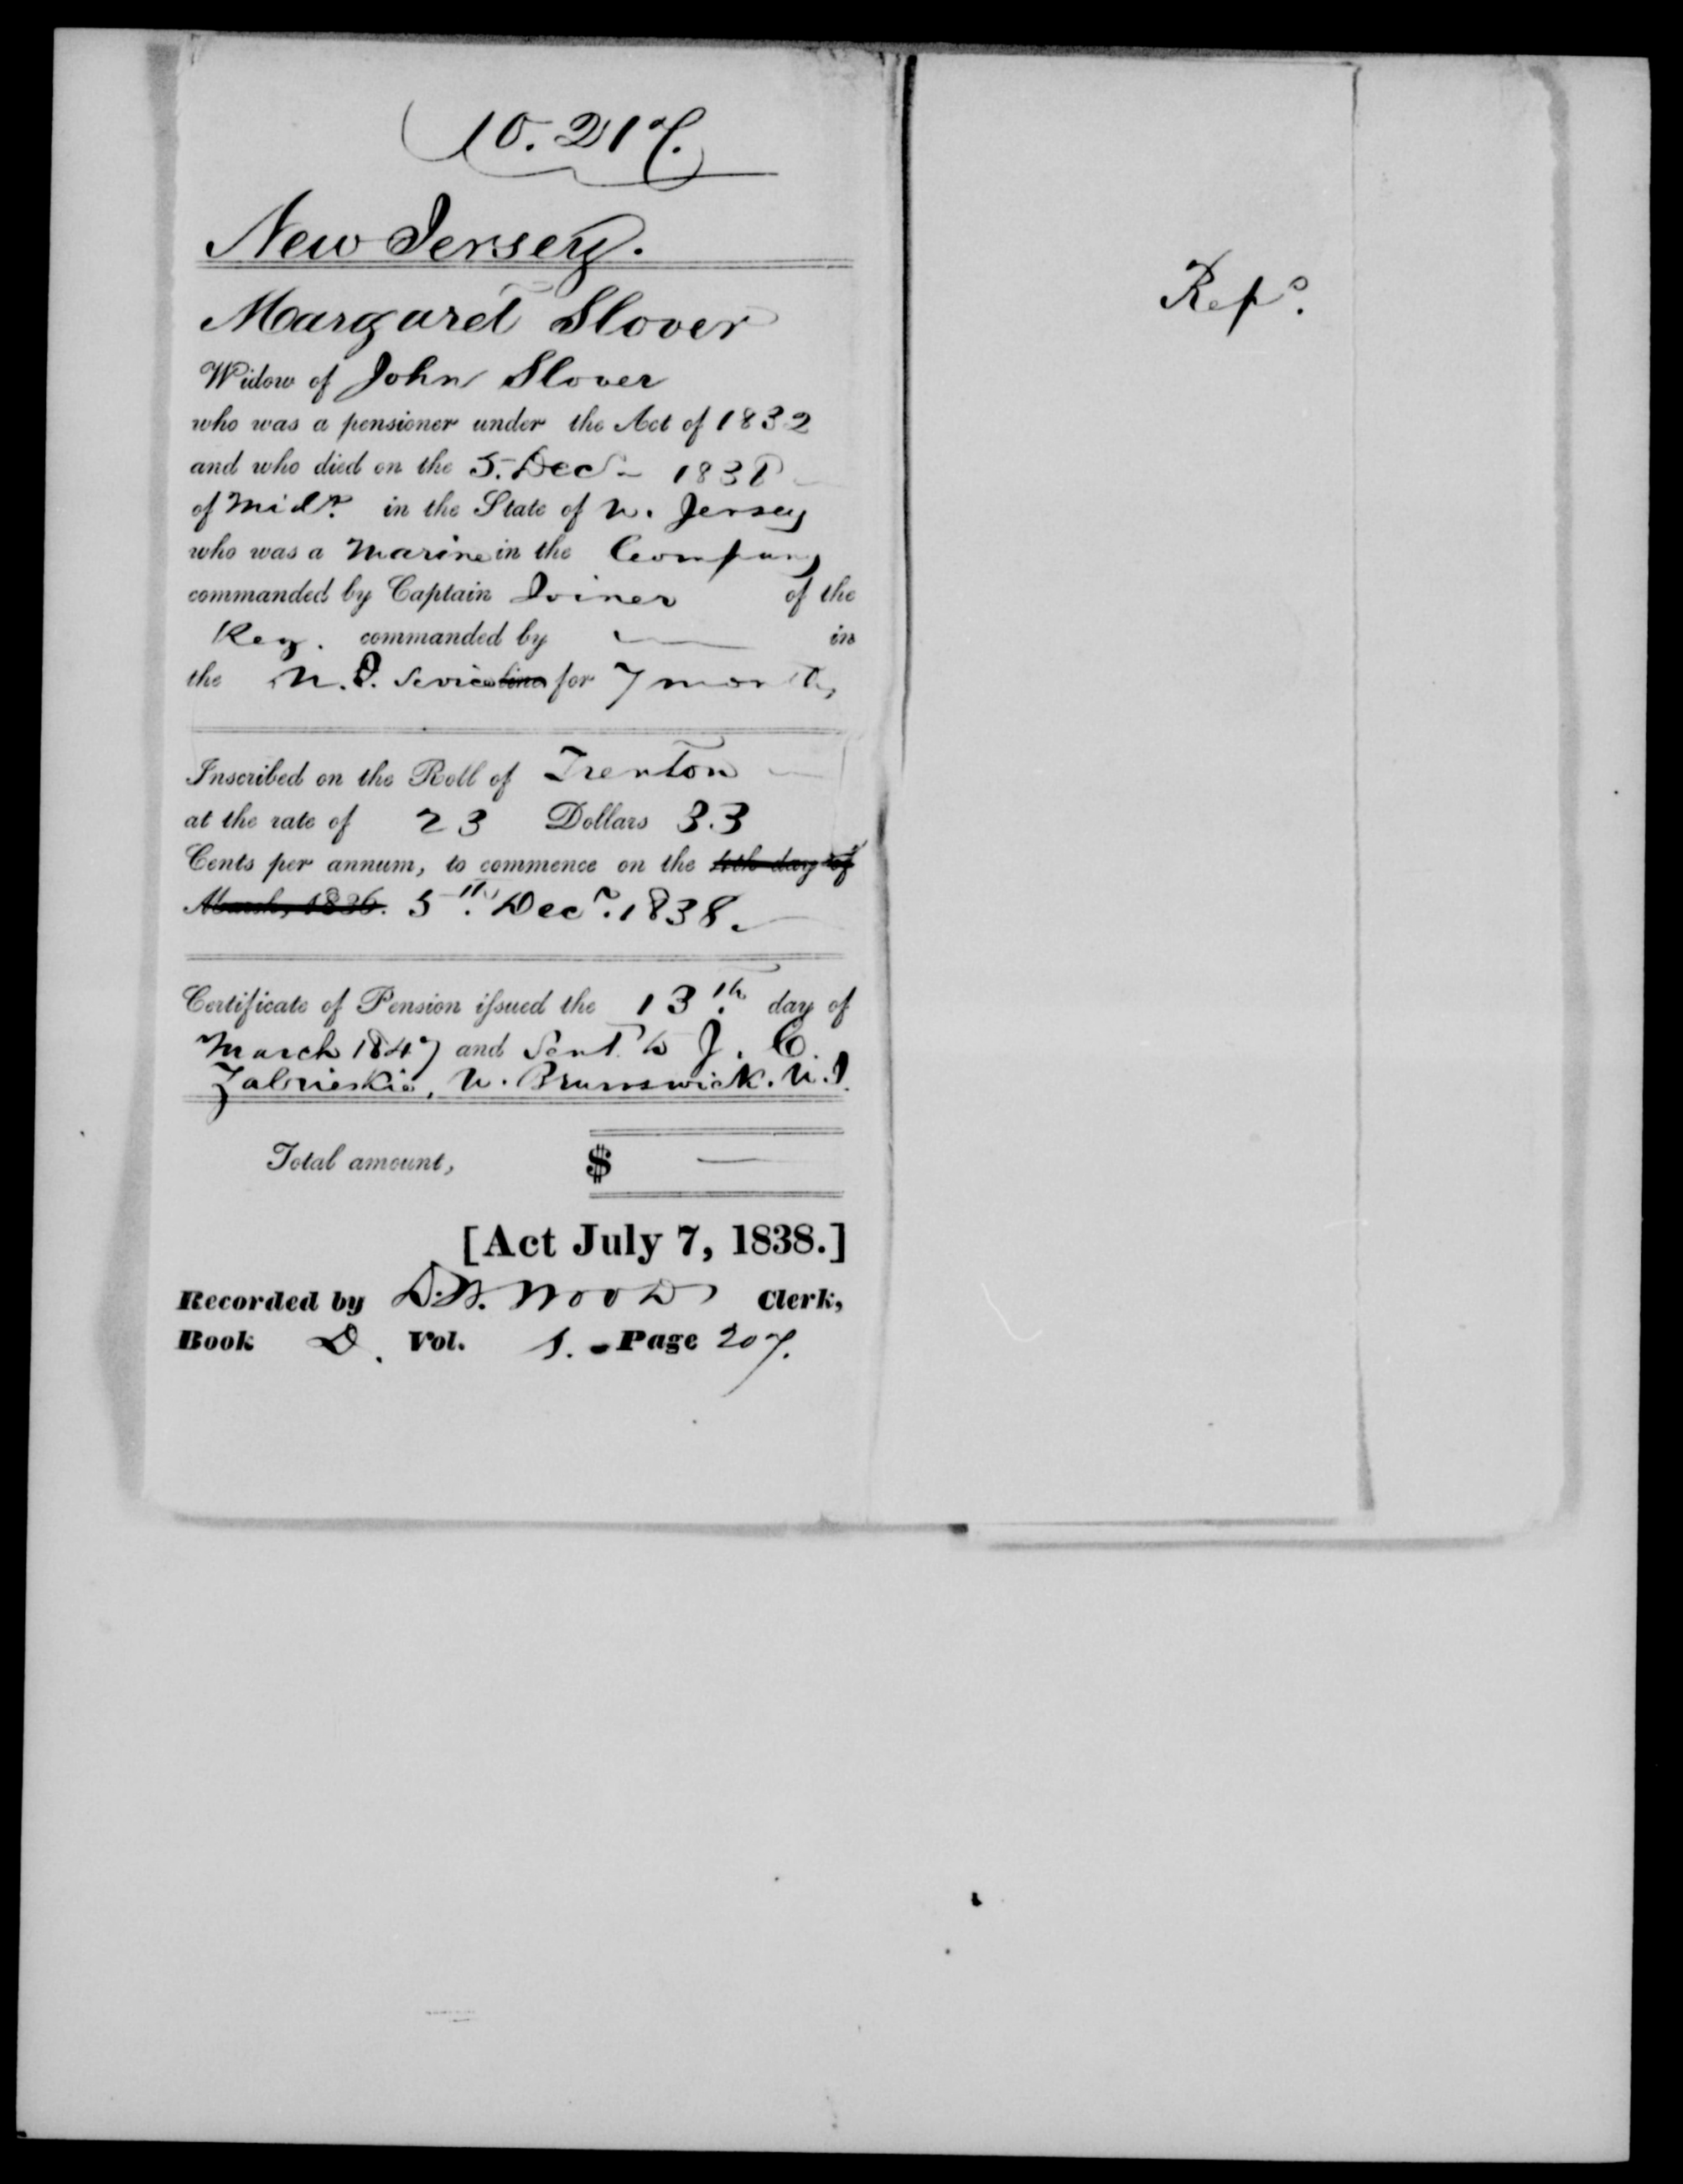10,217
New Jersey
Margaret Slover, widow of John Slover, who was a pensioner under the Act of 1832 and who died on the 5th Dec. 1838, of Midd(lesex) in the State of N. Jersey, who was a Marine in the Company commanded by Captain Joiner of the Reg(iment) commanded by (blank) in the N.J. Service [crossed out: line] for 7 months.

Inscribed on the Roll of Trenton at the rate of 23 Dollars 33 Cents per annum, to commence on the [crossed out: 4th day of March 1836] 5th Dec. 1838.

Certificate of Pension issued the 13th day of March 1847 and sent to J.C. Zabrieskie, N. Brunswick, N.J.

Total amount, (blank)

{Act July 7, 1838.}

Recorded by D.H. Wood, Clerk.
Book D; Vol. 1; Page 207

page: 32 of 46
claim: widow's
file: W. 6205, for John Slover, New Jersey